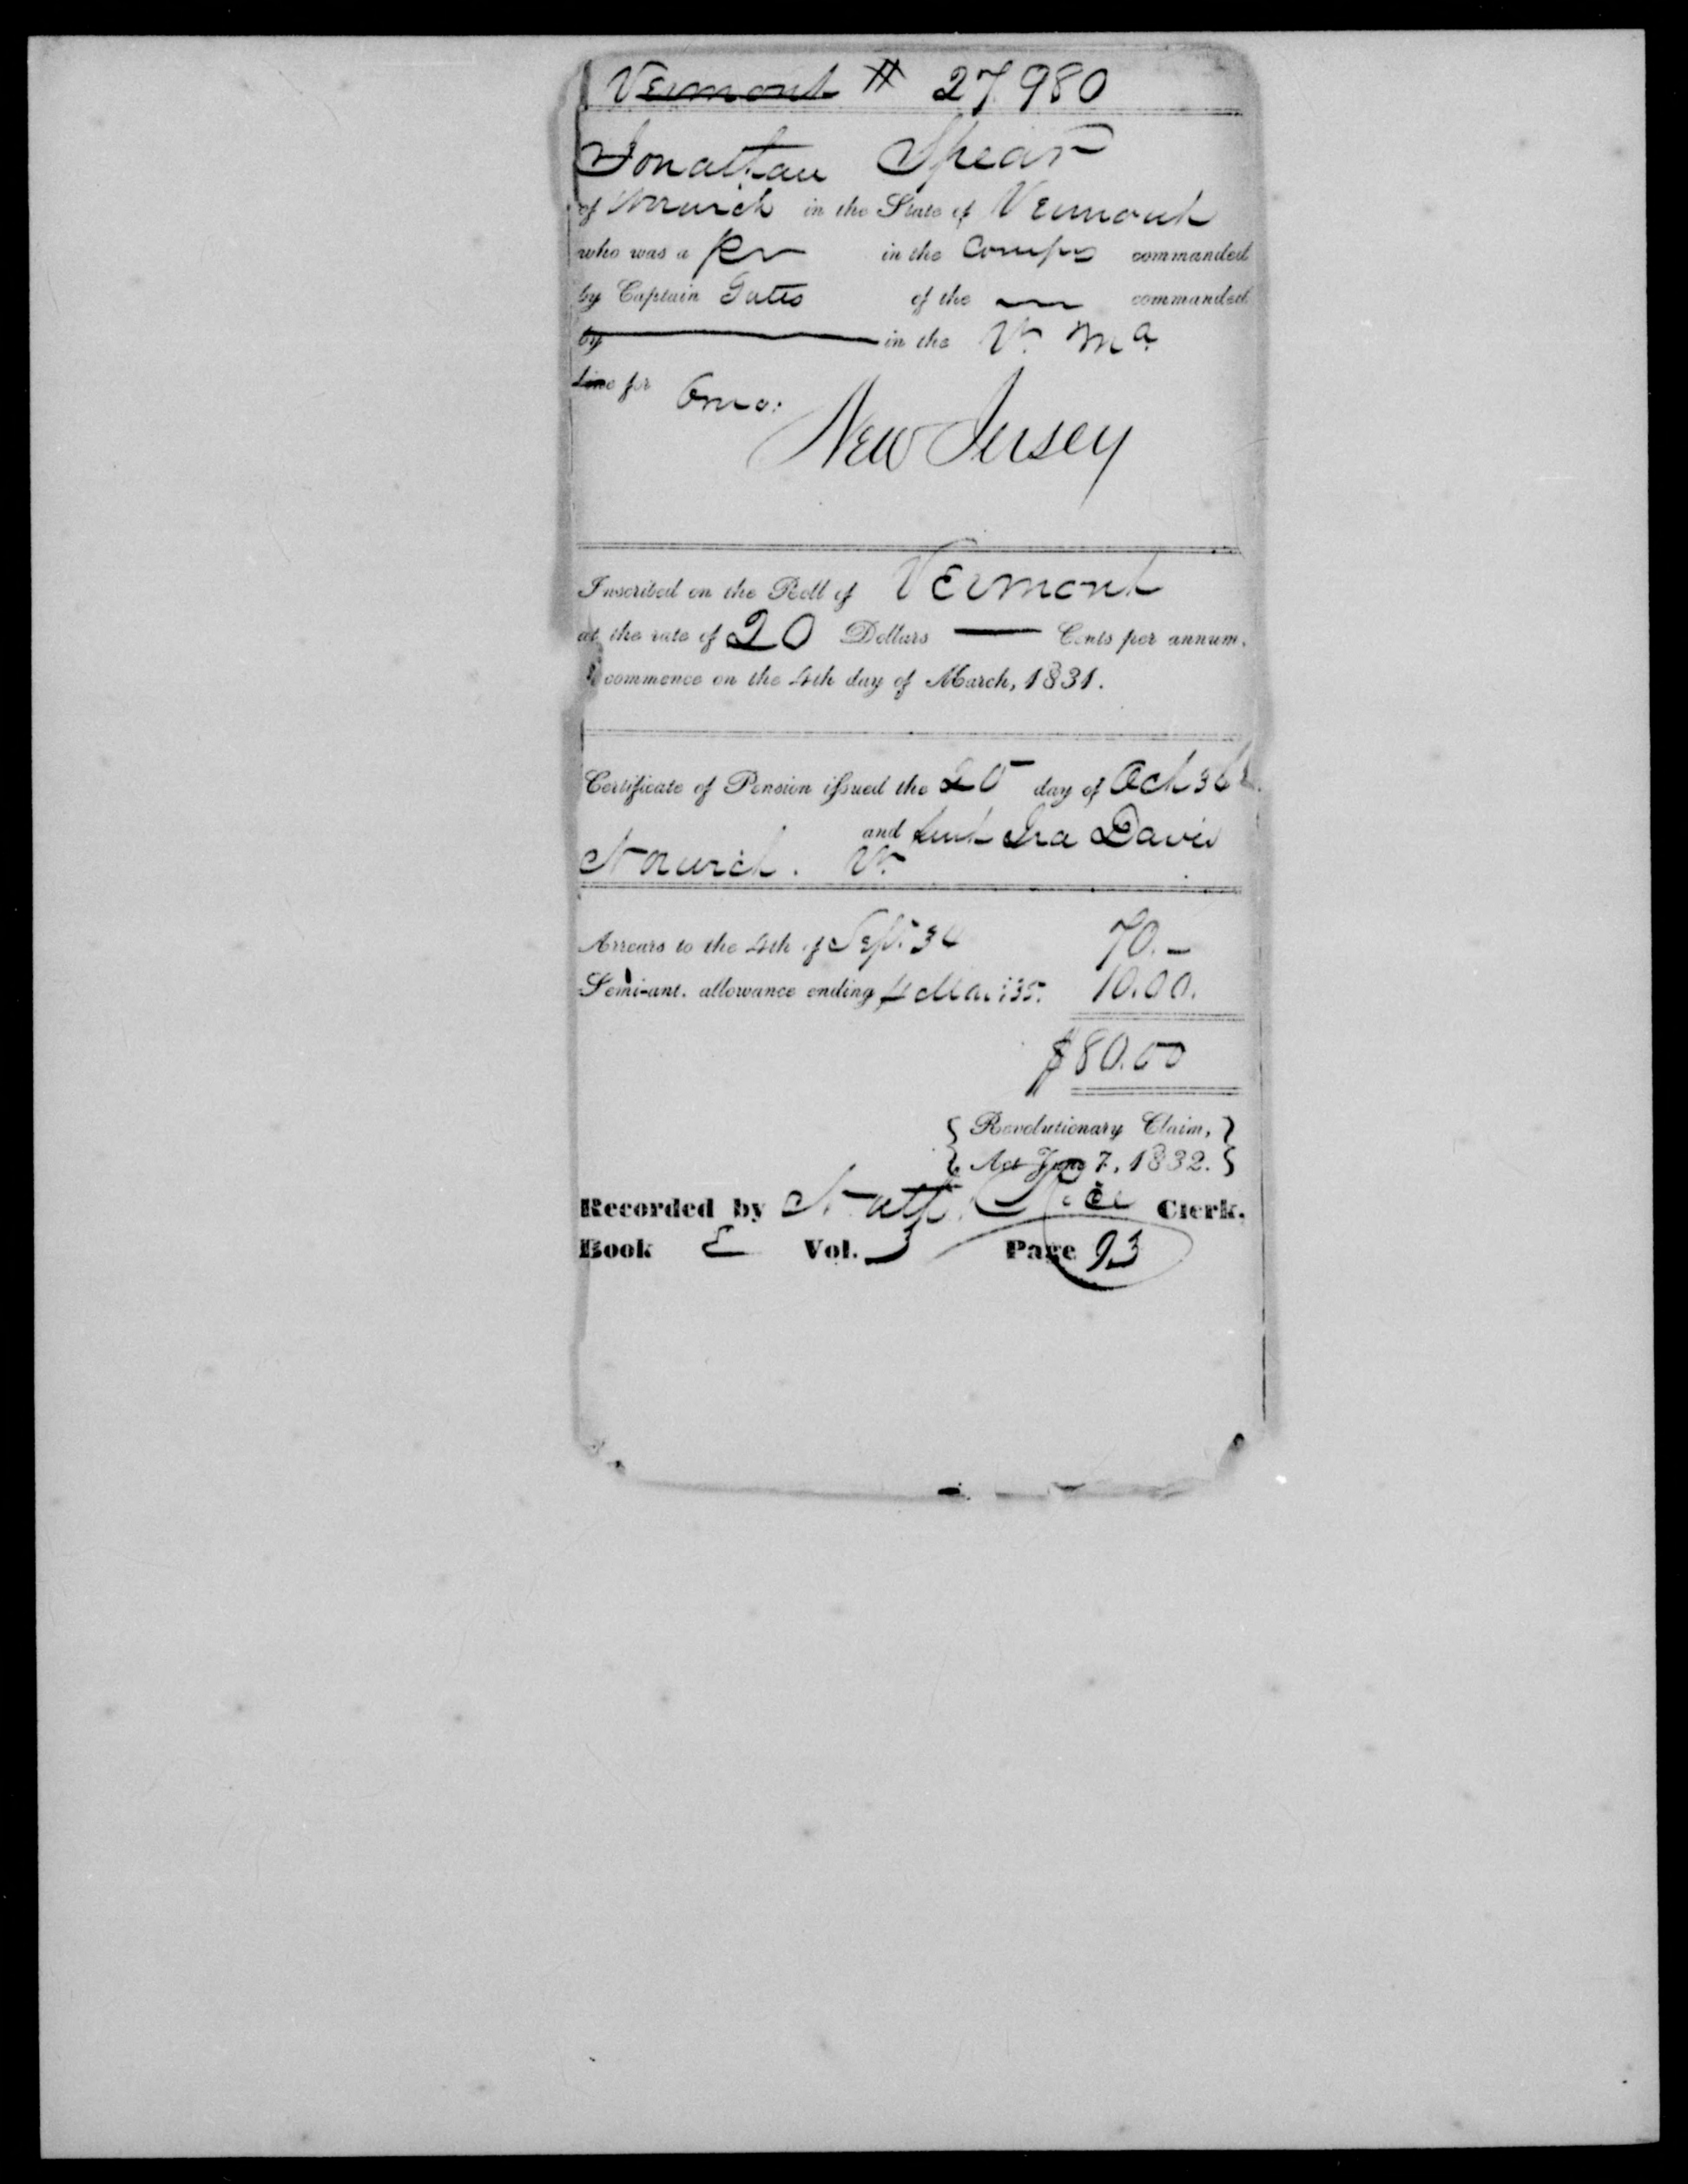Vermont # 27980
Jonathan Spear
of Warwick in the State of Vermont
who was a pri
in the company commanded
by Captain Gates [ ]
of the commanded by in the VT MA
Line for Grove: New Jersey
Inscribed on the Roll of Vermont
the rate of 20 Dollars - Cents per annum
commence on the 4th day of March, 1831.
Certificate of Pension issued the 20 day of Oct 30th and [ ] Ira Davis
Staurch VT
Arrears to the 4th of Sep. 34
70.-
Semi anl. allowance ending 4 Mar. 35 10.00
$80.00
{Revolutionary Claim,
Act 1832. }
Recorded by the Bath Rice Clerk
Book E Vol 3 Page 93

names: Jonathan Spear; [BLANK] Gates; Nath Rice; Ira Davis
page: 3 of 65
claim: widow's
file: W. 7197, for Jonathan Spear, Vermont